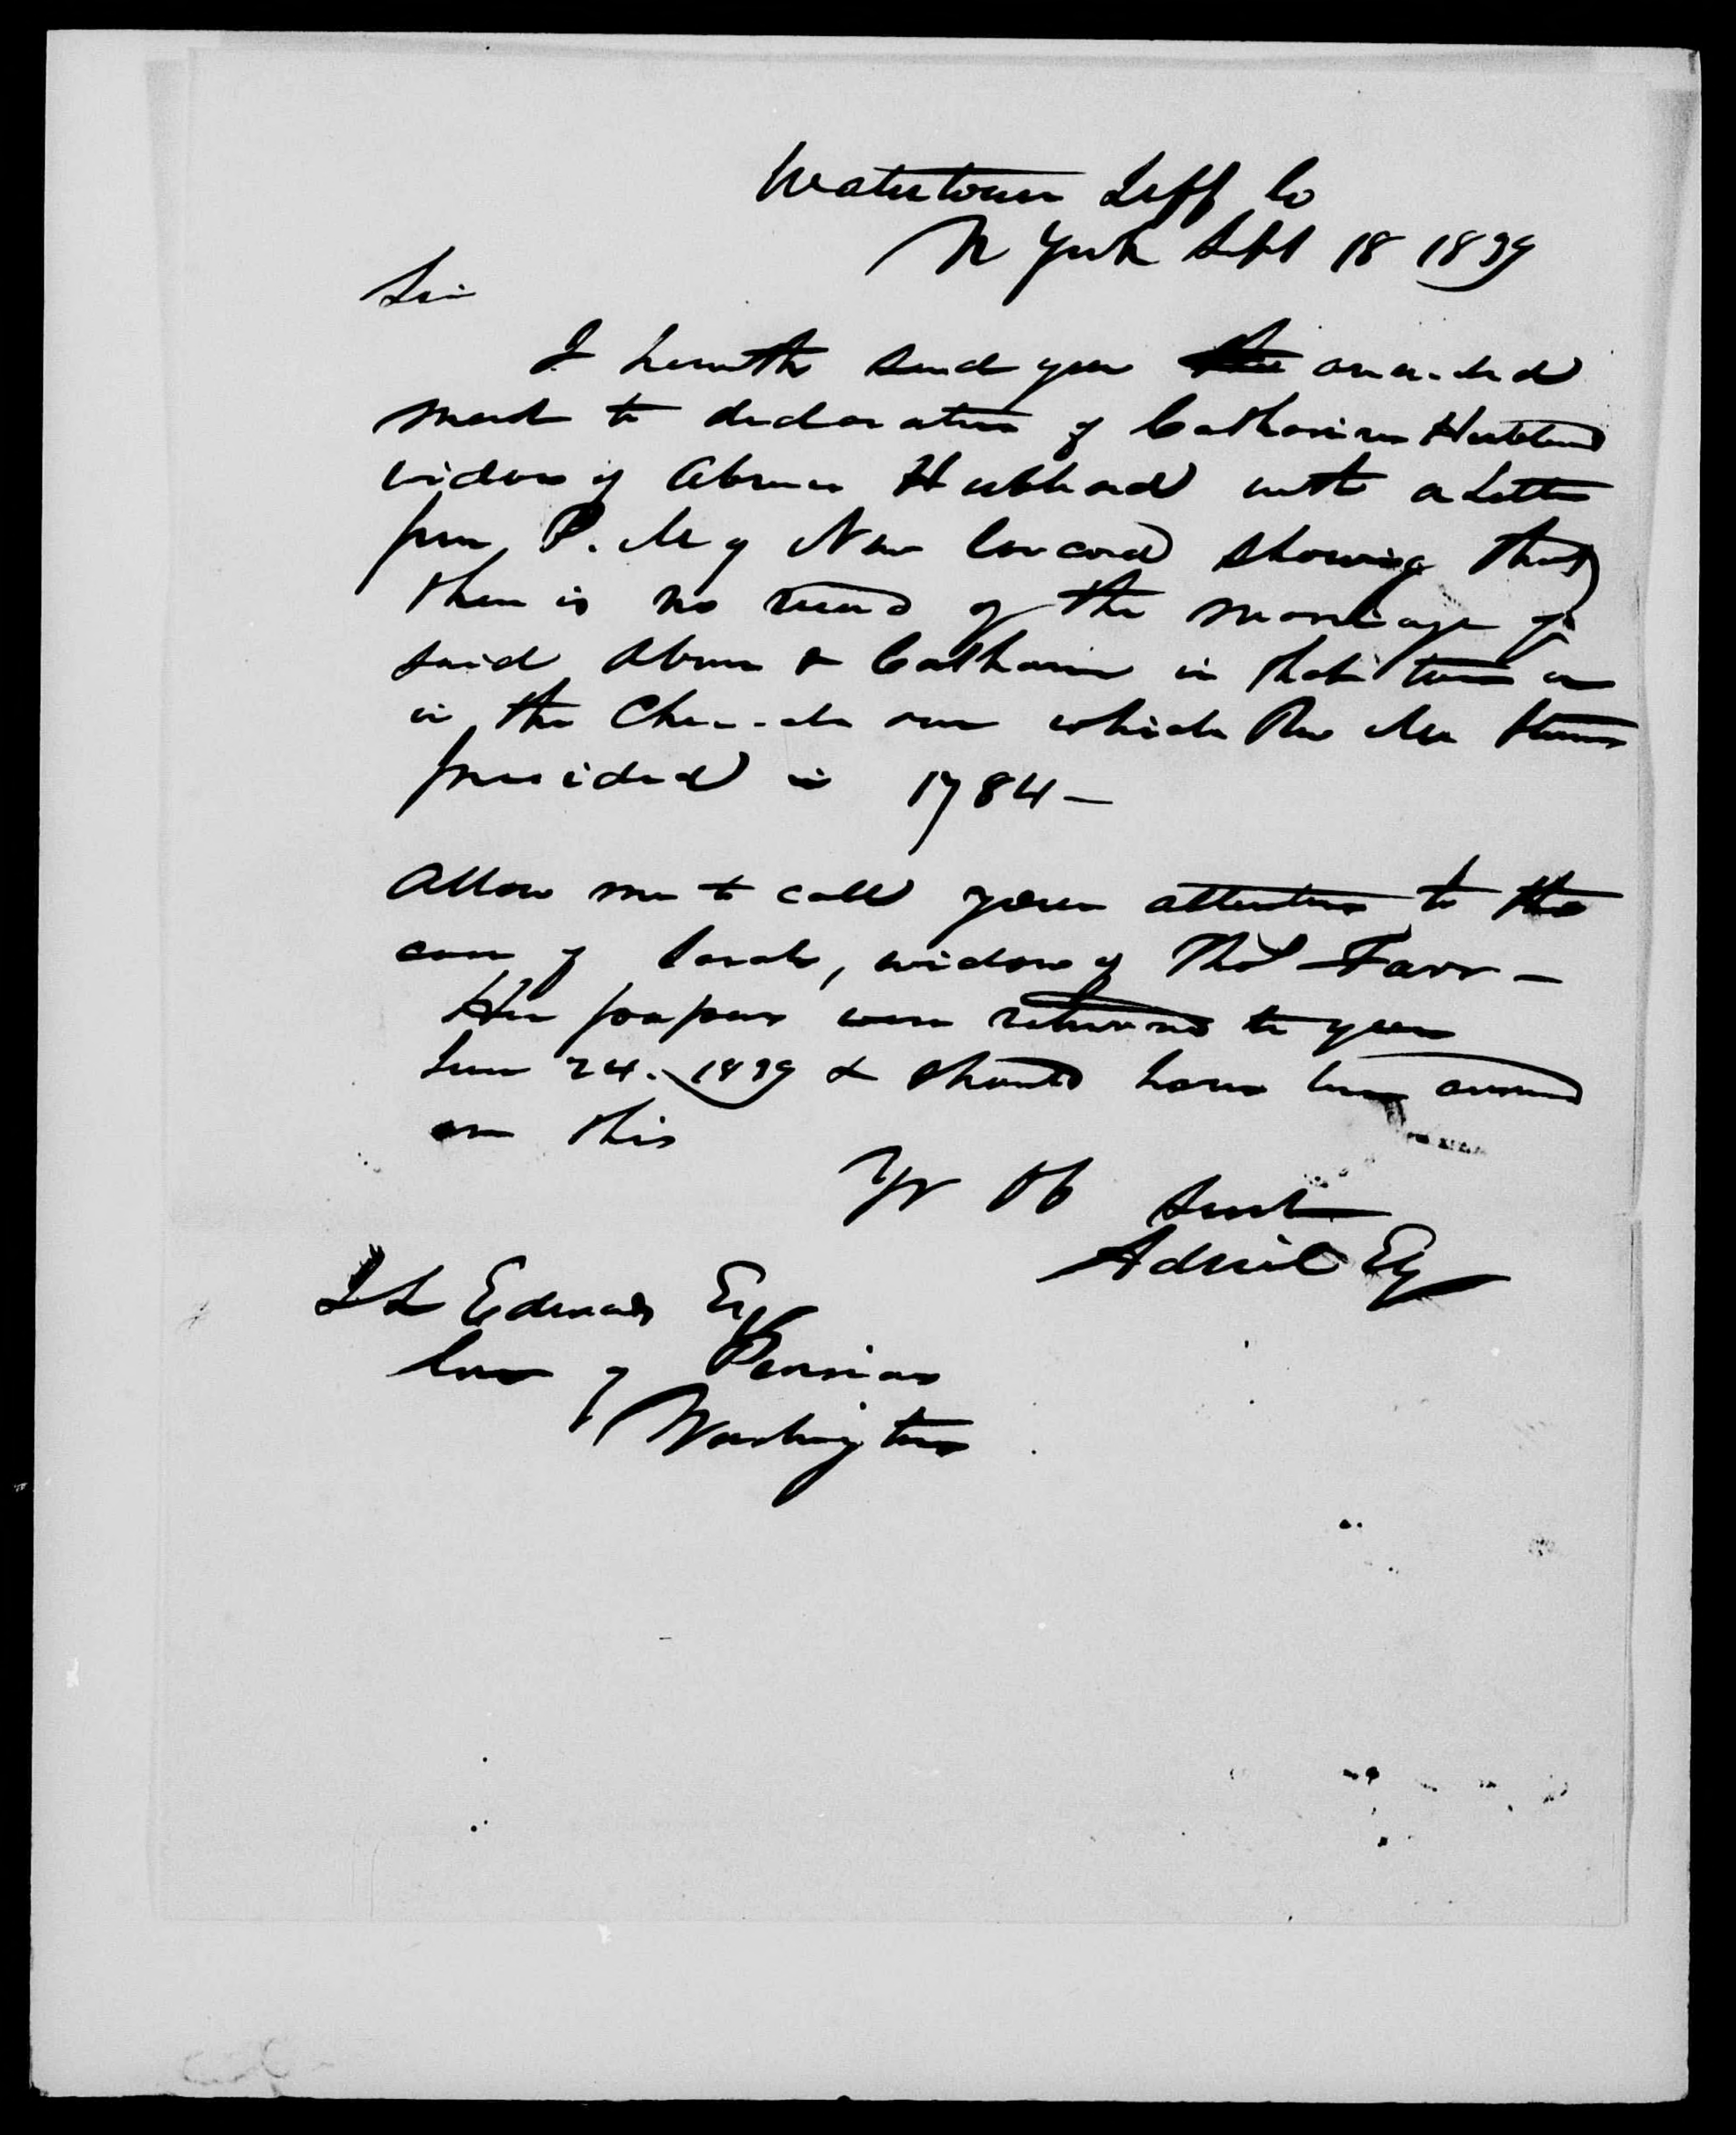Watertown Jeff Co
N York Sept 18 1839

Sir
I herewith send you an [illegible] [illegible] to declaration of Catharine Hubbard widow of Abram Hubbard with a letter from P. [illegible] showing that there is no record of the marriage of said Abner & Catharine in that town or in the church [illegible] which Rev [illegible] presided in 1784-

Allow me to call your attention to the case of Sarah, widow of Nat Farr - Her papers were returned to you June 24. 1839 + should [illegible][illegible] [illegible] on this

Yrs ob servt
Adriel Ely

[illegible] Edward Esq
Com of Pensions
Washington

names: Thos Farr, Abner Hubbard, J L Edwards, Catharine Hubbard, Adriel Ely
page: 14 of 38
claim: widow's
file: W. 23,381, Abner Hubbard, Continental Mass.